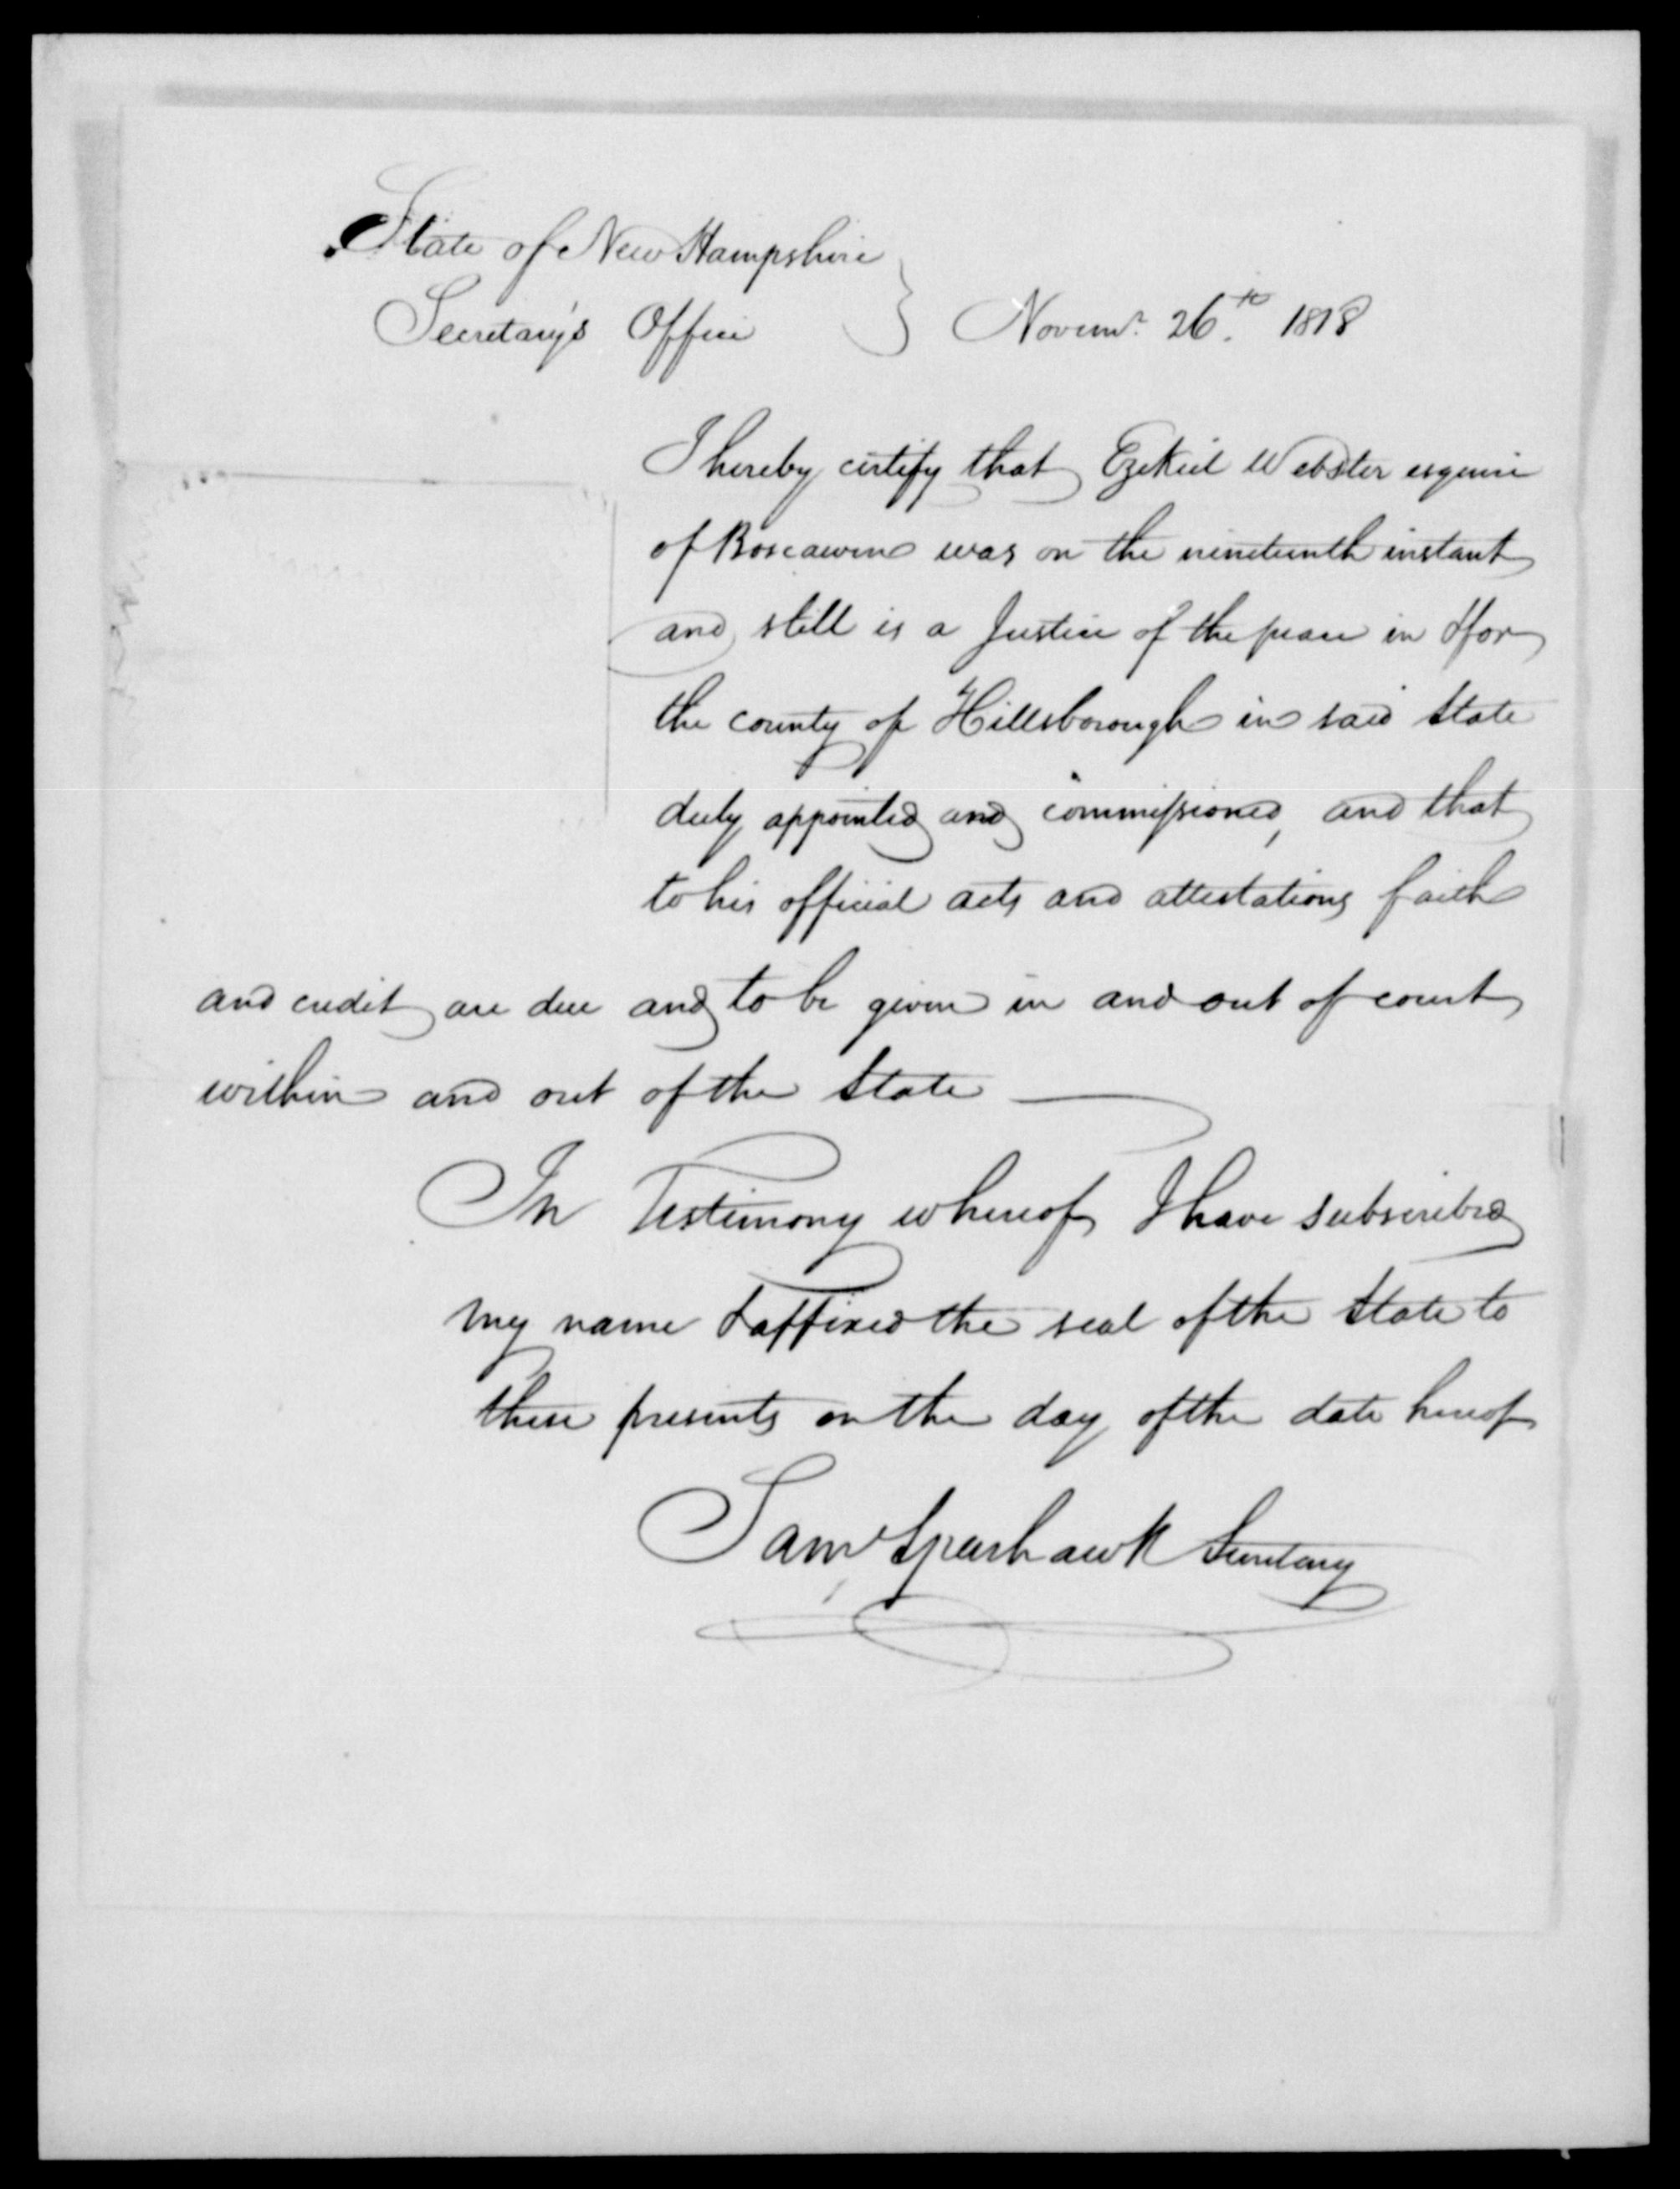State of New Hampshire
Secretary's Office
Novemr 26th 1818
I hereby certify that Ezekiel Webster esquire
of Boscawen was on the nineteenth instant
and still is a Justice of the peace in & for
the County of Hillsborough in said State
A duly appointed and commissioned and that
to his official acts and attestations faith
and credit are due and to be given in and out of court within and out of the State-
In testimony whereof I have subscribed
my name & affixed the seal of the State to
these presents on the day of the date hereof
[signature] Saml Sparhawk Secretary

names: Sam Sparhawk; Ezekiel Webster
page: 15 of 25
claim: survivor's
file: S. 43137, for Daniel Shepard, New Hampshire